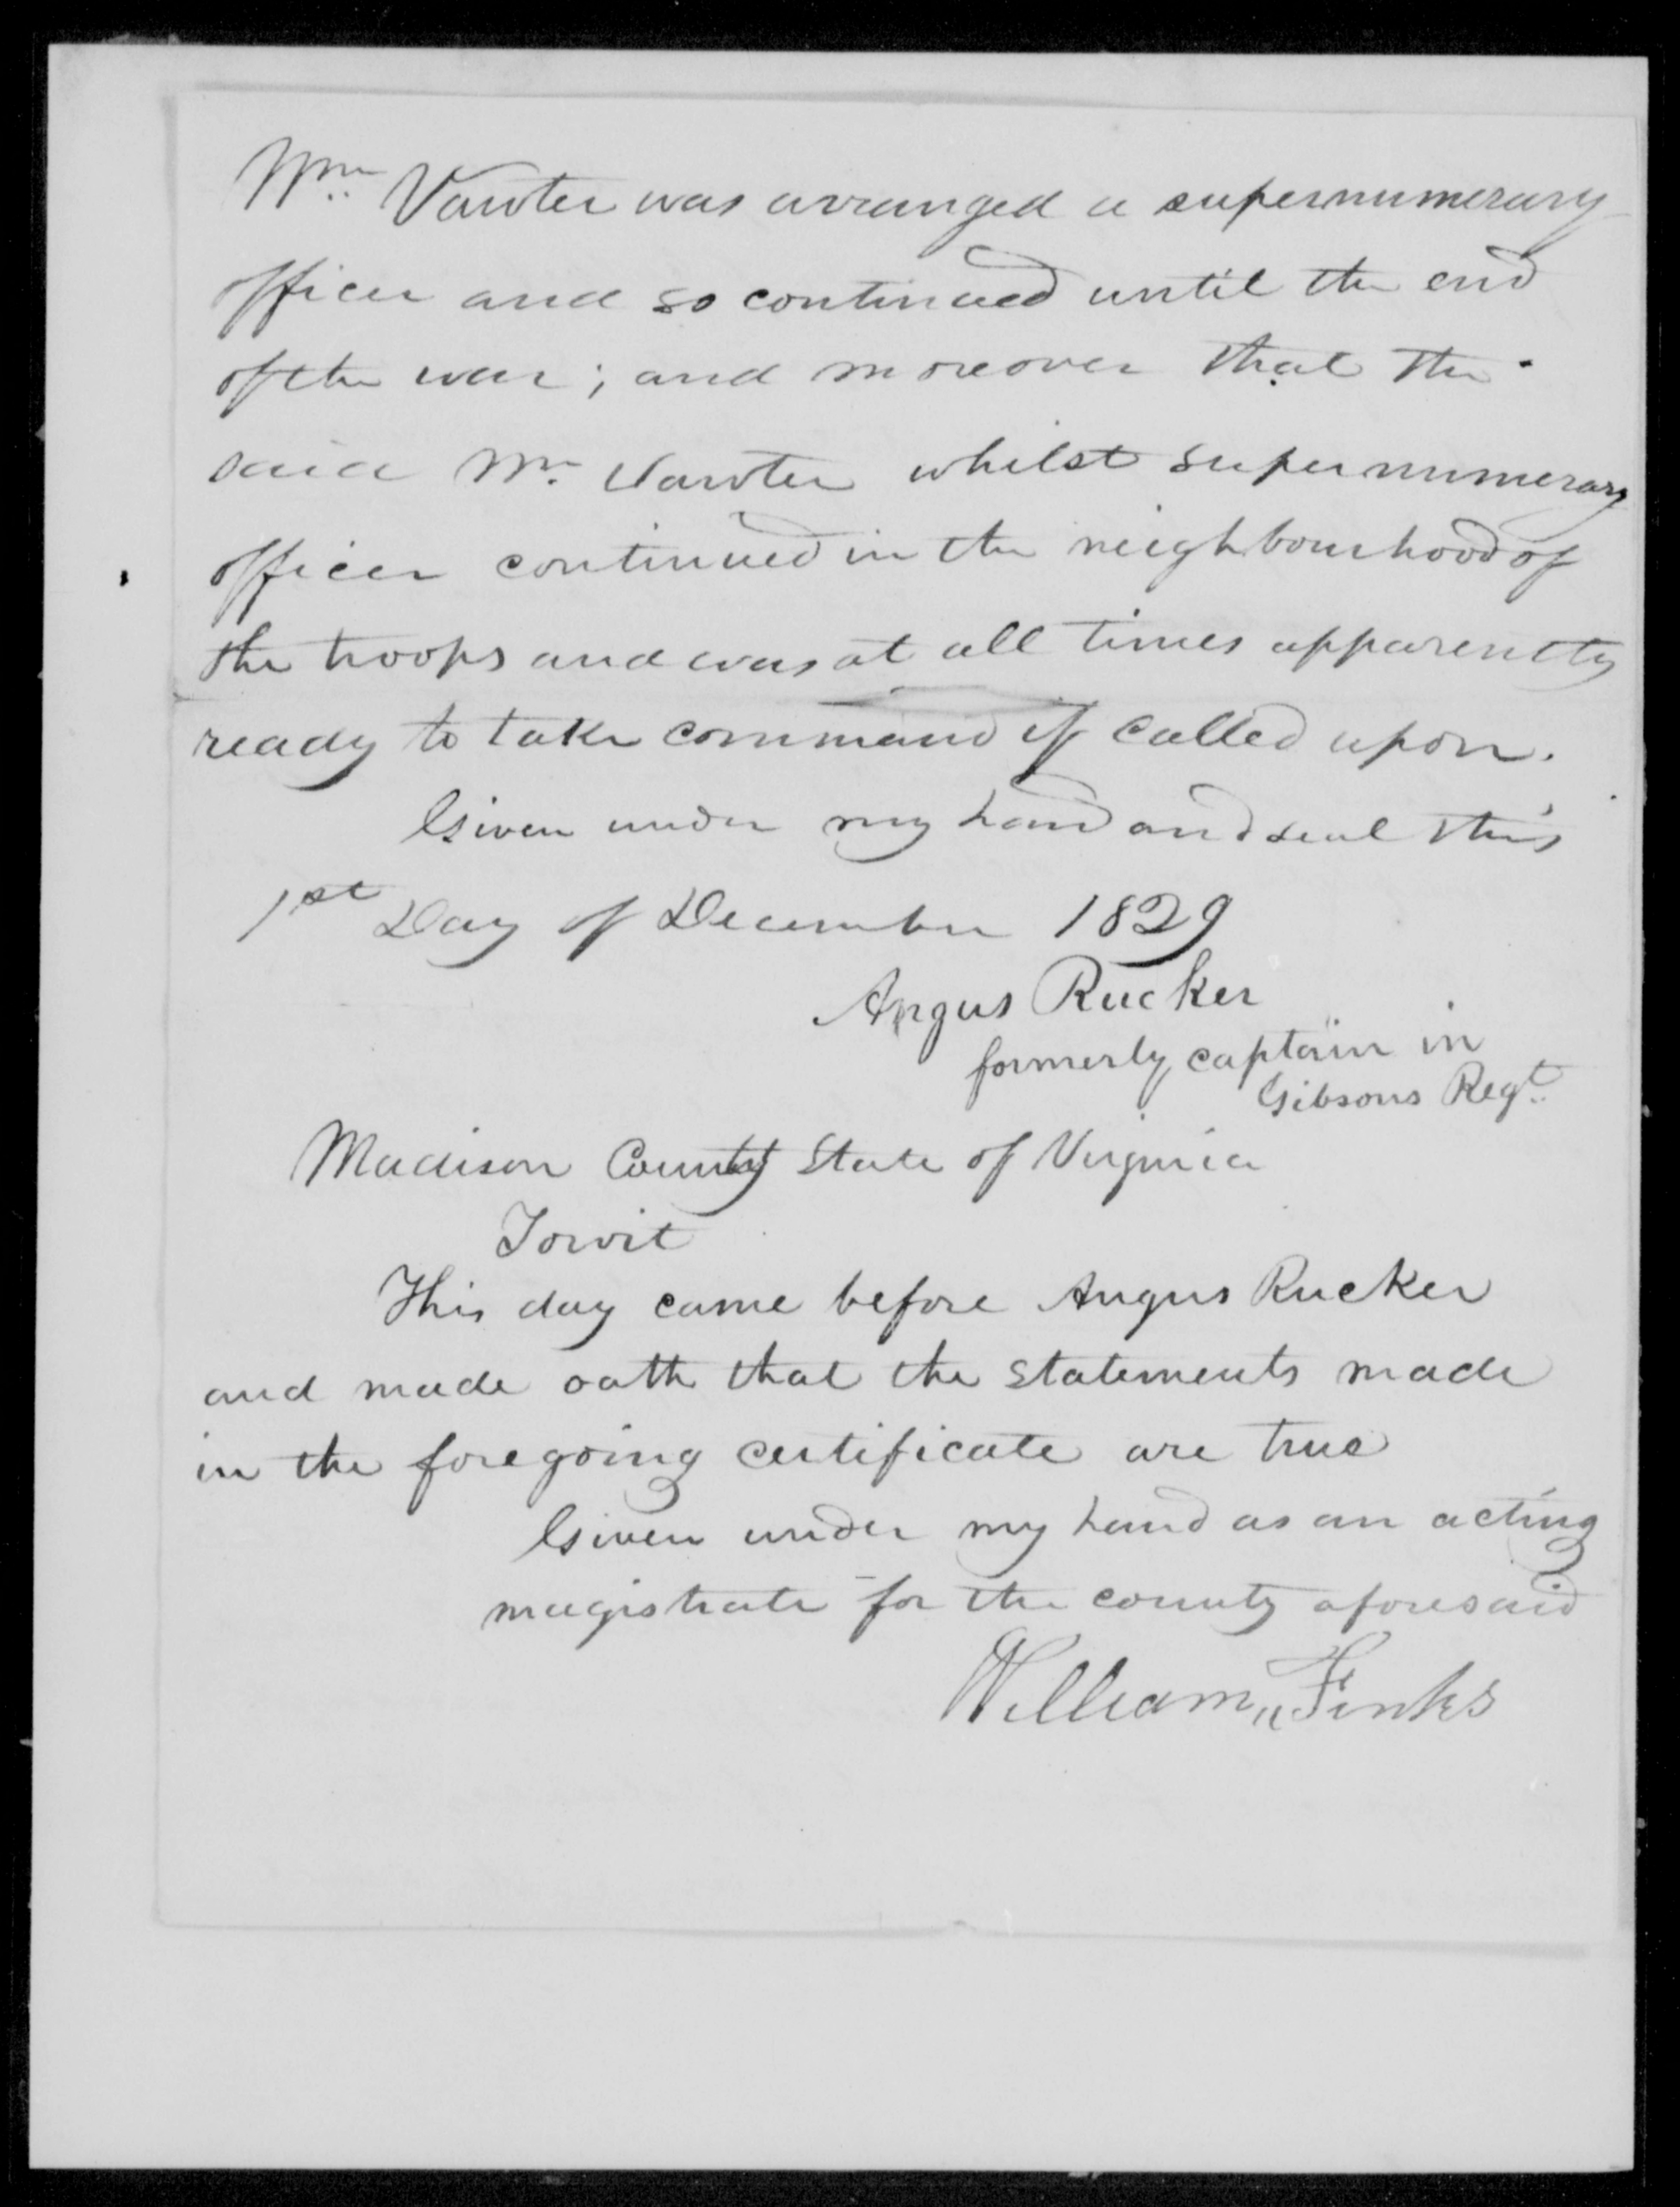Wm Vawter was arranged a supernumerary
officer and so continued until the end
of the war; and moreover that the
said Wm Vawter whilst supernumerary
officer continued in the neighbourhood of 
the troops and was at all times apparently
ready to take command if called upon
Given under my hand and seal this
1st Day of December 1829
Angus Rucker
formerly captain in
Gibsons Regt.
Madison County State of Virginia
Towit
This day came before Angus Rucker
and made oath that the statements made
in the foregoing certificate are true
Given under my hand as an acting
magistrate for the County aforesaid

William Finks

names: Angus Rucker, William Finks, Angus Rucker, Wm Vawter, Vawter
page: 25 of 51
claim: rejected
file: R. 10,921, William Vawter, Va.